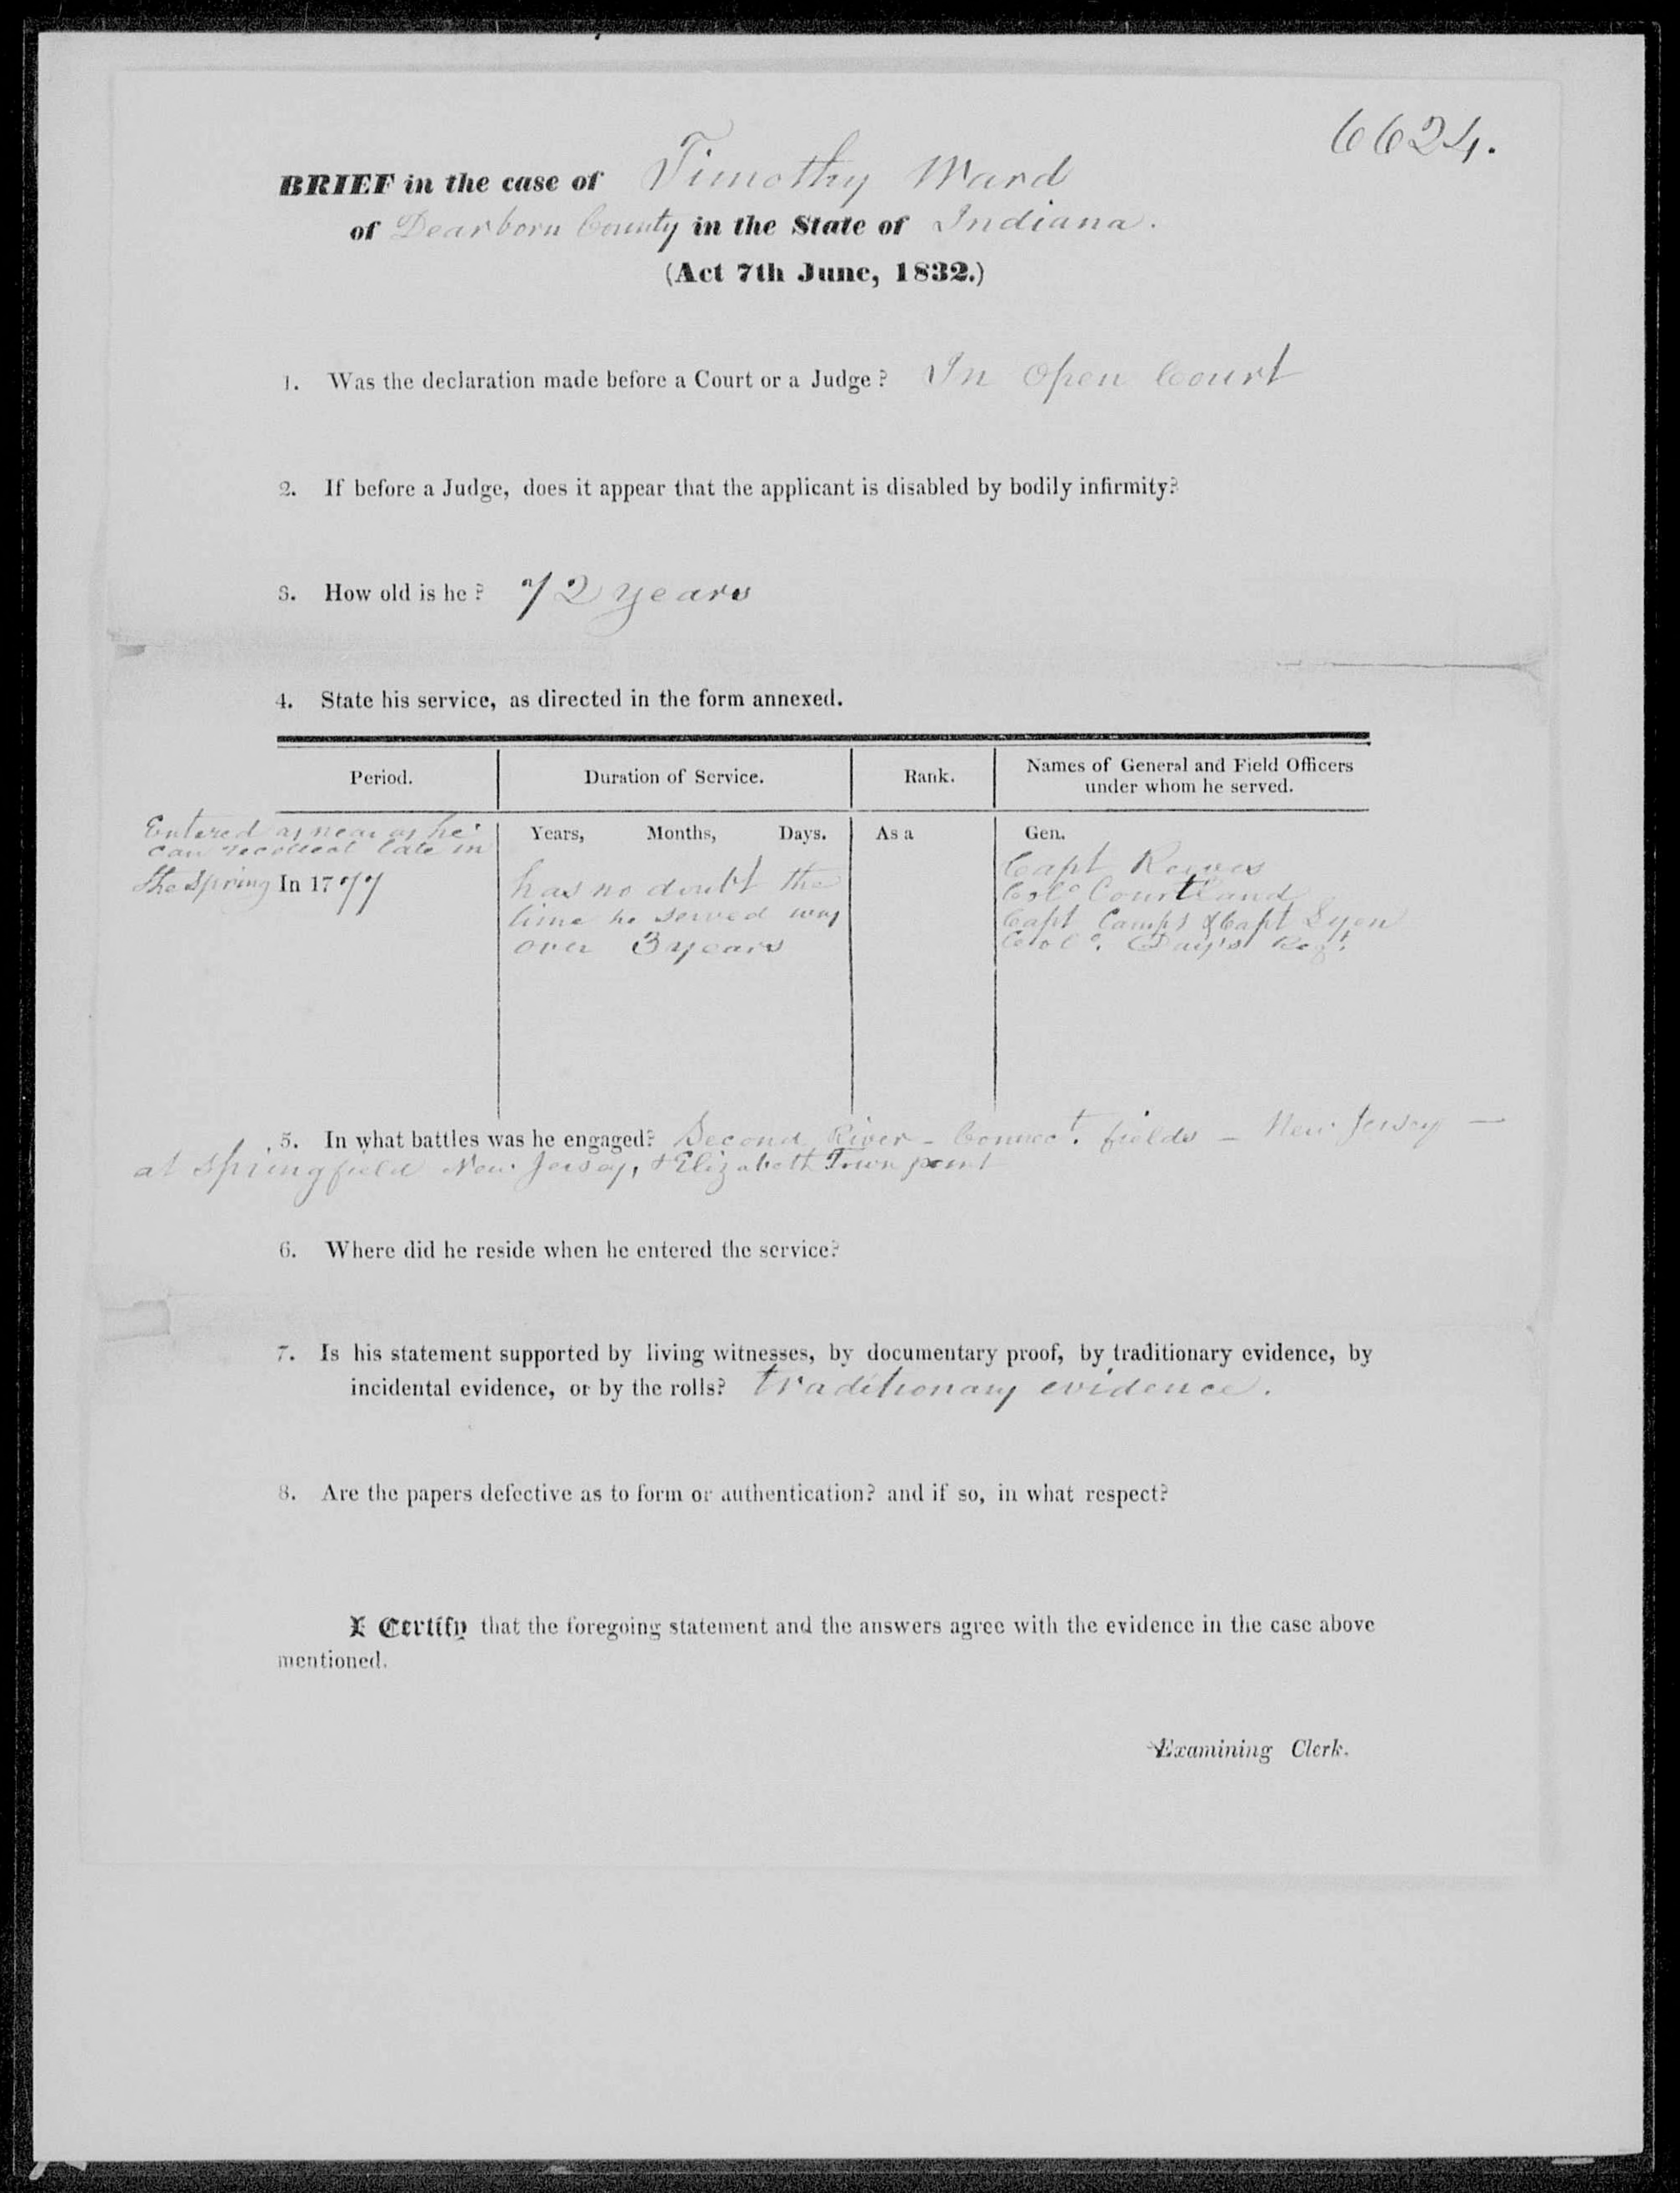6624.
BRIEF in the case of Timothy Ward of Dearborn County in the State of Indiana (Act 7th June, 1832.) 

1. Was the declaration made before a Court or a Judge? In open Court 

2. If before a Judge, does it appear that the applicant is disabled by bodily infirmity? 

3. How old is he? 72 years 

4. State his service, as directed in the form annexed.  

[military service tabulated below under column headings of Period., Duration of Service., Rank., Names of General and Field Officers under whom he served.]


Period. Entered as near as he can recollect in the Spring In 1777 
Duration of Service.  has no doubt the time he served was over 3 years
Rank. --    
Names of General and Field Officers under whom he served.
Capt Reeves
Col Courtland
Capt Camps & Capt Syon
Colo. Days Regt.

 5. In what battles was he engaged?            Second River  --  Connect.  fields - New Jersey -- at Springfield New Jersey, & Elizabeth Town point 

6. Where did he reside when he entered the service?   --

7. Is his statement supported by living witnesses, by documentary proof, by traditionary evidence, by incidental evidence, or by the rolls? traditionary evidence. 

8. Are the papers defective as to form or authentication? and if so, in what respect? 

I Certify that the foregoing statement and the answers agree with the evidence in the case above mentioned. 

Examining Clerk,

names: Courtland, Timothy Ward, Reeves, Lyon, Camps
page: 4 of 24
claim: survivor's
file: S. 17751, Timothy Ward, New Jersey